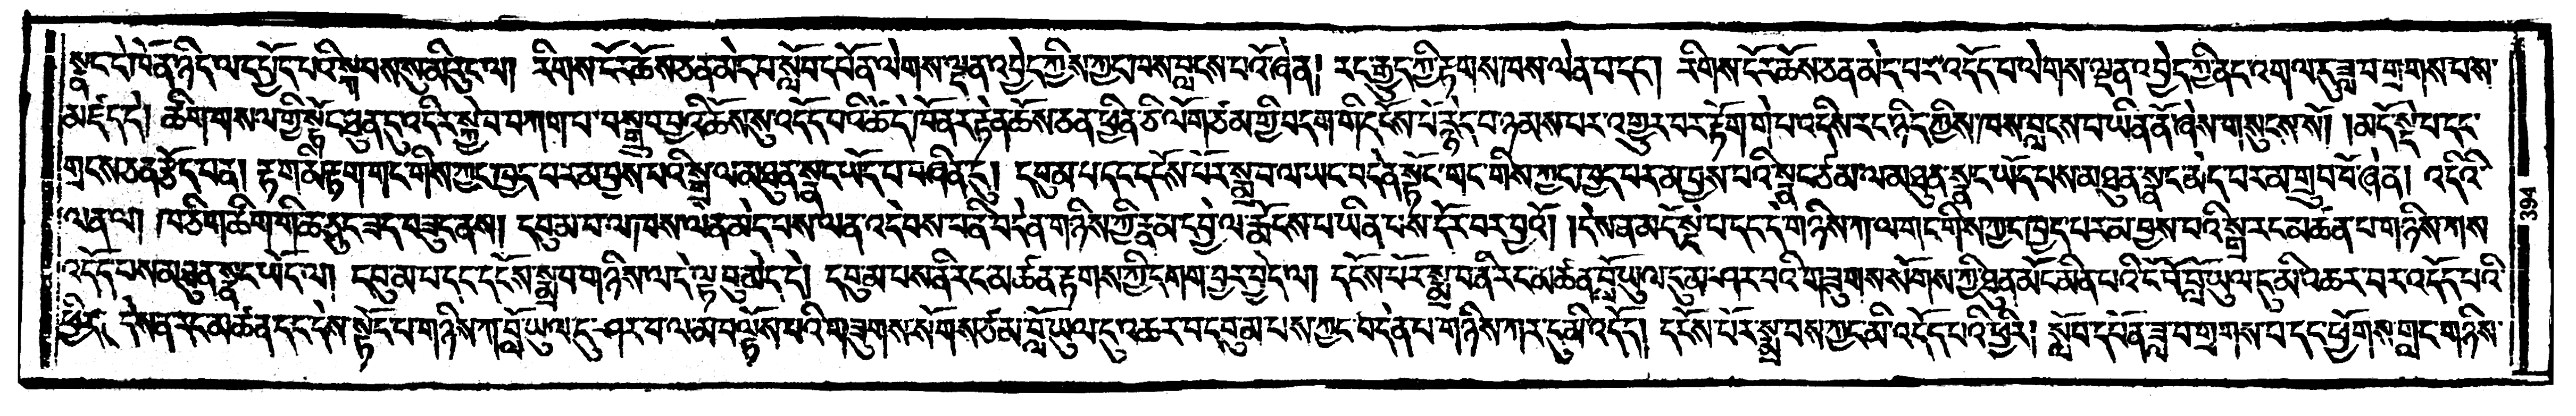སྣང་དེ་ཁོ་ན་ཉིད་ལ་དཔྱོད་པའི་སྐབས་སུ་མི་རུང་ལ། རིགས་ངོར་ཆོས་ཅན་མེད་པ་སློབ་དཔོན་ལེགས་ལྡན་འབྱེད་ཀྱིས་ཀྱང་ཁས་བླངས་པའོ་ཞེ་ན། རང་རྒྱུད་ཀྱི་རྟགས་ཁས་ལེན་པ་དང་། རིགས་ངོར་ཆོས་ཅན་མེད་པར་འདོད་པ་ལེགས་ལྡན་འབྱེད་ཀྱི་ནང་འགལ་དུ་ཟླ་བ་གྲགས་པས་
མཛད་དེ། ཚིག་གསལ་གྱི་སྟོང་ཐུན་དུ་འདིར་སྐྱེ་བ་བཀག་པ་བསྒྲུབ་བྱའི་ཆོས་སུ་འདོད་པའི་ཚེ་དེ་ཁོ་ནར་རྟེན་ཆོས་ཅན་ཕྱིན་ཅི་ལོག་ཙམ་གྱི་བདག་གི་དངོས་པོ་རྙེད་པ་ཉམས་པར་འགྱུར་བར་རྟོག་གེ་པ་འདིས་རང་ཉིད་ཀྱིས་ཁས་བླངས་པ་ཡིན་ནོ་ཞེས་གསུངས་སོ། །མདོ་སྡེ་པ་དང་
གྲངས་ཅན་རྩོད་པ་ན། རྟག་མི་རྟག་གང་གིས་ཀྱང་ཁྱད་པར་མ་བྱས་པའི་སྒྲ་ལ་མཐུན་སྣང་ཡོད་པ་བཞིན་དུ། དབུ་མ་པ་དང་དངོས་པོར་སྨྲ་བ་ལ་ཡང་བདེན་སྟོང་གང་གིས་ཀྱང་ཁྱད་པར་མ་བྱས་པའི་སྣང་ཙམ་ལ་མཐུན་སྣང་ཡོད་པས་མཐུན་སྣང་མེད་པར་མ་གྲུབ་བོ་ཞེ་ན། འདིའི་
ལན་ལ། ཁ་ཅིག་ཚིག་གི་ཆ་ཅུང་ཟད་བཟུང་ནས། དབུ་མ་པ་ལ་ཁས་ལེན་མེད་པས་ལན་འདེབས་པ་ནི་བདེན་གཉིས་ཀྱི་རྣམ་དབྱེ་ལ་རྨོངས་པ་ཡིན་པས་དོར་བར་བྱའོ། །དེས་ན་མདོ་སྡེ་པ་དང་དེ་གཉིས་ཀ་ལ་གང་གིས་ཀྱང་ཁྱད་པར་མ་བྱས་པའི་སྒྲ་རང་མཚན་པ་གཉིས་ཀས་
འདོད་པས་མཐུན་སྣང་ཡོད་ལ། དབུ་མ་པ་དང་དངོས་སྨྲ་བ་གཉིས་ལ་དེ་ལྟ་བུ་མེད་དེ། དབུ་མ་པས་ནི་རང་མཚན་རྟགས་ཀྱི་དགག་བྱར་བྱེད་ལ། དངོས་པོར་སྨྲ་བ་ནི་རང་མཚན་བློ་ཡུལ་དུ་མ་ཤར་བའི་གཟུགས་སོགས་ཀྱི་ཐུན་མོང་མིན་པའི་ངོ་བོ་བློ་ཡུལ་དུ་མི་འཆར་བར་འདོད་པའི་
ཕྱིར། དེས་ན་རང་མཚན་དང་དེས་སྟོང་པ་གཉིས་ཀ་བློ་ཡུལ་དུ་ཤར་བ་ལ་མ་བལྟོས་པའི་གཟུགས་སོགས་ཙམ་བློ་ཡུལ་དུ་འཆར་བ་དབུ་མ་པས་ཀྱང་བདེན་པ་གཉིས་ཀར་དུ་མི་འདོད། དངོས་པོར་སྨྲ་བས་ཀྱང་མི་འདོད་པའི་ཕྱིར། སློབ་དཔོན་ཟླ་བ་གྲགས་པ་དང་ཕྱོགས་གླང་གཉིས་